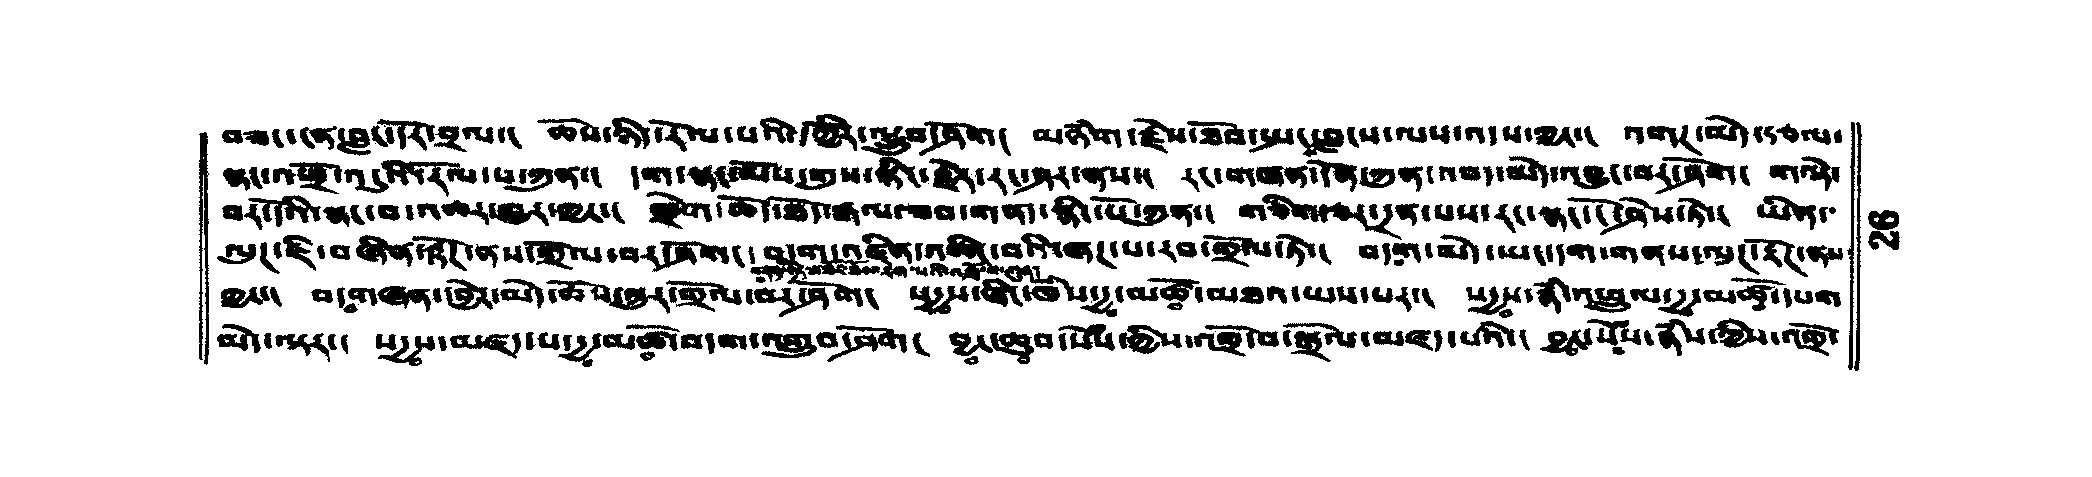བཟང་ངན་བླང་དོར་བྲལ། །ཆོས་ཉིད་རོལ་པའི་དཀྱིལ་འཁོར་ལྷུན་གྲུབ་ཤོག །མཉམ་བཞག་རྗེས་ཐོས་སྤང་བླངས་ལས་འདས་ཀྱང་། །འགགས་མེད་རྩལ་
སྣང་འཕྲོ་འདུའི་རོལ་པ་ཀུན། །དག་སྣང་མོས་གུས་སྙིང་རྗེར་རང་ཤར་ནས། །རང་གཞན་དོན་ཀུན་འབད་མེད་འབྱུང་བར་ཤོག །གལ་ཏེ་
བར་དོའི་སྣང་བ་འཆར་གྱུར་ཀྱང་། །ཁྲེགས་ཆོད་ཐོད་རྒལ་ཟབ་གནད་སྙིང་པོ་ཀུན། །གཅིག་ཅར་དྲན་པས་རང་སྣང་ངོ་ཤེས་ཏེ། །ཡིན་
ལུགས་ཇི་བཞིན་རྟོགས་ནས་གྲོལ་བར་ཤོག །བདག་ཉིད་མཐོང་ཐོས་རེག་པའི་འགྲོ་བ་ཀུན། །བདག་འཛིན་འཆིང་བའི་ཞགས་པ་རབ་གྲོལ་ཏེ། །བདག་མེད་ཡང་དག་གནས་ལུགས་རྟོགས་ནས་
ཀྱང་། །བདག་གཞན་དབྱེར་མེད་ཆོས་སྐུར་གྲོལ་བར་ཤོག །སངས་རྒྱས་ཞིང་ཁམས་རྒྱ་མཚོ་མཐའ་ཡས་པར། །སངས་རྒྱས་རྣམ་འཕྲུལ་རྒྱ་མཚོ་དཔག་
མེད་ལྟར། །སངས་རྒྱས་མཛད་པ་རྒྱ་མཚོ་བདག་འགྲུབ་ཤོག །བྱང་ཆུབ་སེམས་ཀྱིས་འགྲོ་བ་སྒྲོལ་མཛད་པའི། །བྱང་སེམས་རྣམས་ཀྱིས་འགྲོ་